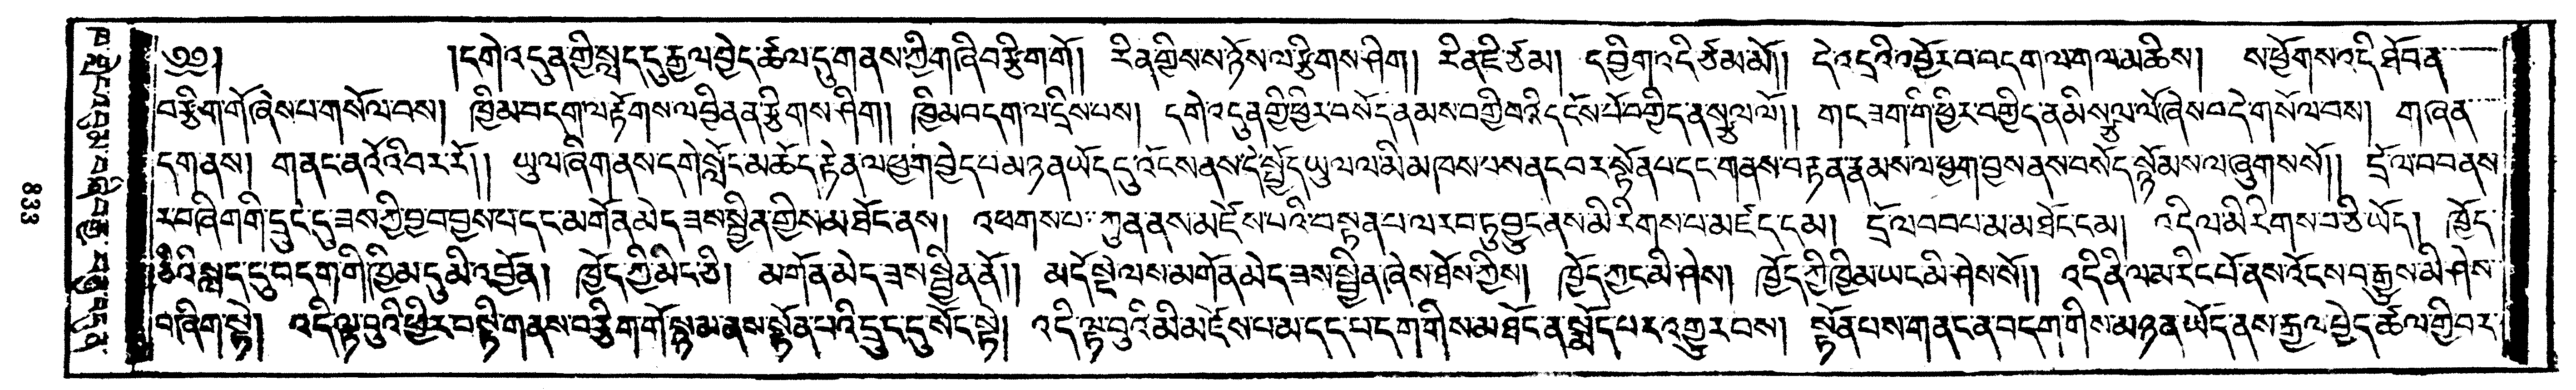༄༅། །དགེ་འདུན་གྱི་སླད་དུ་རྒྱལ་བྱེད་ཚལ་དུ་གནས་ཀྱི་གཞི་བརྩིག་གོ། རིན་གྱིས་ས་ཉོས་ལ་རྩིགས་ཤིག། རིན་ཇི་ཙམ། དབྱིག་འདི་ཙམ་མོ།། དེ་འདྲའི་འབྱོར་བ་བདག་ལག་ལ་མཆིས། ས་ཕྱོགས་འདི་ཐོབ་ན་
བརྩིག་གོ་ཞེས་པ་གསོལ་བས། ཁྱིམ་བདག་ལ་རྟོགས་ལ་བྱིན་ན་རྩིགས་ཤིག། ཁྱིམ་བདག་ལ་དྲིས་པས། དགེ་འདུན་གྱི་ཕྱིར་བསོད་ནམས་བགྱི་བའི་དངོས་པོ་བགྱིད་ན་སྩལ་ལོ།། གང་ཟག་གི་ཕྱིར་བགྱིད་ན་མི་སྩལ་ལོ་ཞེས་བདེ་གསོལ་བས། གཞན་
དག་ནས། གནང་ནའོའི་བར་རོ།། ཡུལ་ཞིག་ནས་དགེ་སློང་མཆོད་རྟེན་ལ་ཕྱག་བྱེད་པ་མཉན་ཡོད་དུ་འོངས་ནས་དེ་སྤྱོད་ཡུལ་ལ་མི་མཁས་པས་ནང་བར་སྟོན་པ་དང་གནས་བརྟན་རྣམས་ལ་ཕྱག་བྱས་ནས་བསོད་སྙོམས་ལ་ཞུགས་སོ།། དྲོ་ལ་བབ་ནས་
ར་བཞིག་གི་དྲུང་དུ་ཟས་ཀྱི་བྱ་བ་བྱས་པ་དང་མགོན་མེད་ཟས་སྦྱིན་གྱིས་མཐོང་ནས། འཕགས་པ་ཀུན་ནས་མཛེས་པའི་བསྟན་པ་ལ་རབ་ཏུ་བྱུང་ནས་མི་རིགས་པ་མཛད་དམ། དྲོ་ལ་བབ་པ་མ་མཐོང་ངམ། འདི་ལ་མི་རིགས་པ་ཅི་ཡོད། ཁྱོད་
ཅིའི་སླད་དུ་བདག་གི་ཁྱིམ་དུ་མི་འབྱོན། ཁྱོད་ཀྱི་མིང་ཅི། མགོན་མེད་ཟས་སྦྱིན་ནོ།། མདོ་སྡེ་ལས་མགོན་མེད་ཟས་སྦྱིན་ཞེས་ཐོས་ཀྱིས། ཁྱོད་ཀྱང་མི་ཤེས། ཁྱོད་ཀྱི་ཁྱིམ་ཡང་མི་ཤེས་སོ།། འདི་ནི་ལམ་རིང་པོ་ནས་འོངས་བ་རྒྱུས་མི་ཤེས་
བཞིག་སྟེ། འདི་ལྟ་བུའི་ཕྱིར་བསྟི་གནས་བརྩིག་གོ་སྙམ་ནས་སྟོན་པའི་དྲུང་དུ་སོང་སྟེ། འདི་ལྟ་བུའི་མི་མཛེས་པ་མ་དད་པ་དག་གིས་མཐོང་ན་སྨོད་པར་འགྱུར་བས། སྟོན་པས་གནང་ན་བདག་གིས་མཉན་ཡོད་ནས་རྒྱལ་བྱེད་ཚལ་གྱི་བར་